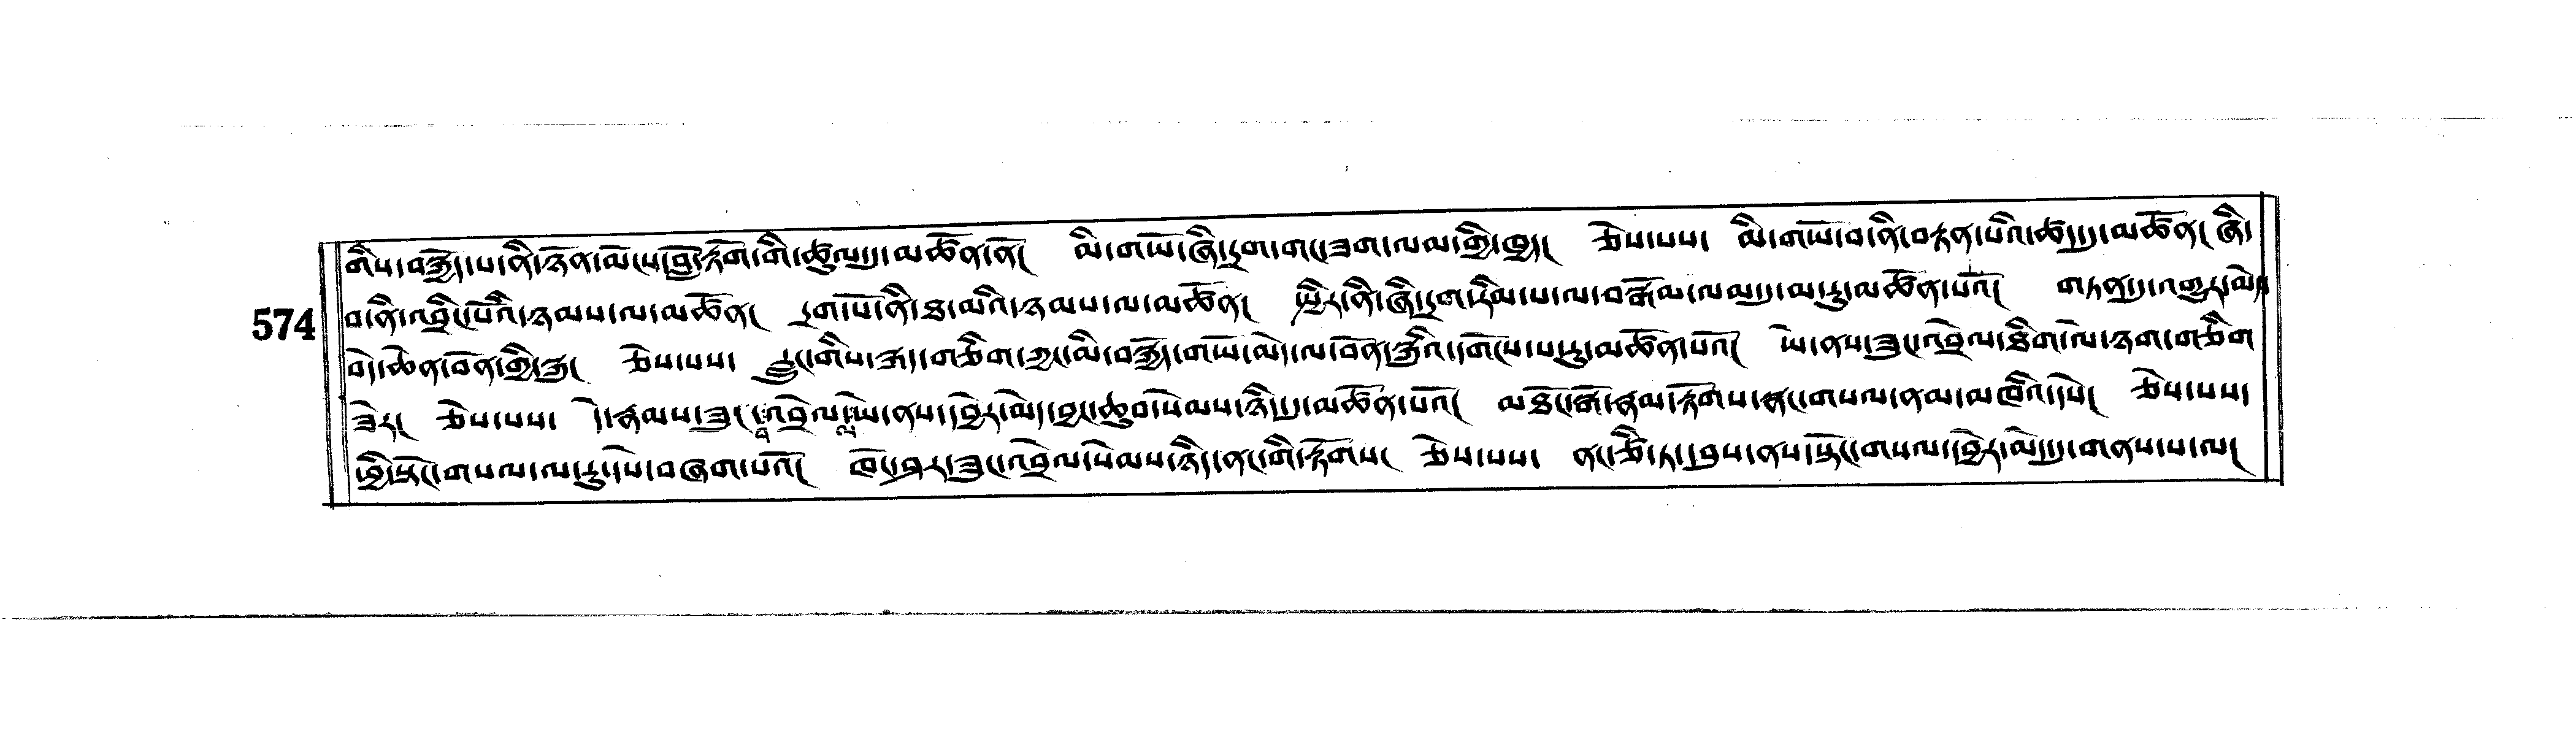གིས་བསྐྱོད་པ་ནི། ཉོན་མོངས་བློ་རྟོག་གི་ཚུལ་དུ་མཚོན་ནོ། མི་གཡོ་ཞི་དྲག་གང་ཟག་ལམ་གྱི་ཁྱད། ཅེས་པས། མི་གཡོ་བ་ནི་བརྟན་པའི་ཚད་དུ་མཚོན། ཞི་
བ་ནི་འབྲིང་པའི་ཉམས་ལ་མཚོན། དྲག་པོ་ནི་ཐ་མའི་ཉམས་ལ་མཚོན། སྤྱིར་ནི་ཞི་དྲག་རིམ་པ་ལ་སྒོམ་ལམ་དུ་མ་རུ་མཚོན་པའོ། གཏན་དུ་འགྱུར་མེད་
བདེ་ཆེན་བོན་གྱི་སྐུ། ཅེས་པས། རླུང་གིས་སྐད་ཅིག་ཀྱང་མི་བསྐྱོད་གཡོ་མེད་ལ་བོན་སྐུའི་དགོངས་པ་རུ་མཚོན་པའོ། ཡེ་ནས་ཟུང་འབྲེལ་ཐིག་ལེ་ཉག་ཅིག་
ཟེར། ཅེས་པས། དེ་རྣམས་ཟུང་འབྲེལ་ཡེ་ནས་དབྱེར་མེད་བྱང་ཆུབ་སེམས་ཉིད་དུ་མཚོན་པའོ། མཐོང་སྒོ་རྣམ་རྟོག་སྣང་གསལ་ནམ་མཁའི་དཔེ། ཅེས་པས། 
ཕྱི་སྟོང་གསལ་ལ་རུ་དཔེ་བཞག་པའོ། ཁོང་ཤར་ཟུང་འབྲེལ་སེམས་ཉིད་ནང་གི་རྟོགས། ཅེས་པས། ནང་ཙིརྟ་དབུས་ནས་སྟོང་གསལ་དབྱེར་མེད་དུ་གནས་པ་ལ།